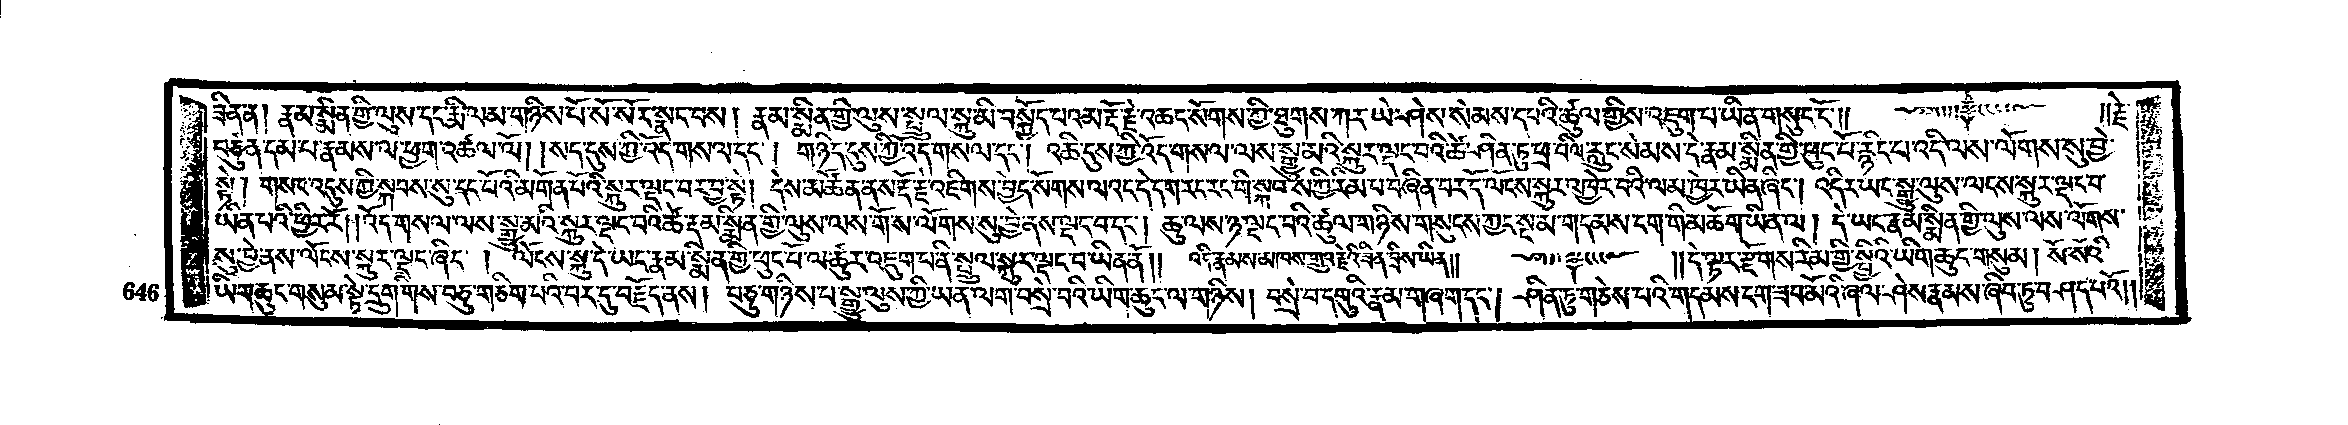ཟིན་ན། རྣམ་སྨིན་གྱི་ལུས་དང་རྨི་ལམ་གཉིས་པོ་སོ་སོར་སྣང་བས། རྣམ་སྨིན་གྱི་ལུས་སྤྲུལ་སྐུ་མི་བསྐྱོད་པའམ་རྡོ་རྗེ་འཆང་སོགས་ཀྱི་ཐུགས་ཀར་ཡེ་ཤེས་སེམས་དཔའི་ཚུལ་གྱིས་འཇུག་པ་ཡིན་གསུང་ངོ།། ༈ །།རྗེ་
བཙུན་དམ་པ་རྣམས་ལ་ཕྱག་འཚལ་ལོ། །སད་དུས་ཀྱི་འོད་གསལ་དང་། གཉིད་དུས་ཀྱི་འོད་གསལ་དང་། འཆི་དུས་ཀྱི་འོད་གསལ་ལས་སྒྱུ་མའི་སྐུར་ལྡང་བའི་ཚེ་ཤིན་ཏུ་ཕྲ་བའི་རླུང་སེམས་དེ་རྣམ་སྨིན་གྱི་ཕུང་པོ་རྙིང་པ་འདི་ལས་ལོགས་སུ་བྱེ་
སྟེ། གསང་འདུས་ཀྱི་སྐབས་སུ་དང་པོའི་མགོན་པོའི་སྐུར་ལྡང་བར་བྱ་སྟེ། དེས་མཚོན་ནས་རྡོ་རྗེ་འཇིགས་བྱེད་སོགས་ལའང་དེ་དག་རང་རང་གི་སྐབས་ཀྱི་རིམ་པ་བཞིན་བར་དོ་ལོངས་སྐུར་འཁྱེར་བའི་ལམ་ཁྱེར་ཡིན་ཞིང་། འདིར་ཡང་སྒྱུ་ལུས་ལོངས་སྐུར་ལྡང་བ་
ཡིན་པའི་ཕྱིར་རོ། །འོད་གསལ་ལས་སྒྱུ་མའི་སྐུར་ལྡང་བའི་ཚེ་རྣམ་སྨིན་གྱི་ལུས་ལས་གོ་ས་ལོགས་སུ་བྱེ་ནས་ལྡང་བ་དང་། ཆུ་ལས་ཉ་ལྡང་བའི་ཚུལ་གཉིས་གསུངས་ཀྱང་སྔ་མ་གདམས་ངག་གི་མཆོག་ཡིན་ལ། དེ་ཡང་རྣམ་སྨིན་གྱི་ལུས་ལས་ལོགས་
སུ་བྱེ་ནས་ལོངས་སྐུར་ལྡང་ཞིང་། ལོངས་སྐུ་དེ་ཡང་རྣམ་སྨིན་གྱི་ཕུང་པོ་ལ་ཚུར་འཇུག་པ་ནི་སྤྲུལ་སྐུར་ལྡང་བ་ཡིན་ནོ།། འདི་རྣམས་མཁས་གྲུབ་རྗེའི་ཟིན་བྲིས་ཡིན།།  ༈ །།དེ་ལྟར་རྫོགས་རིམ་གྱི་སྤྱིའི་ཡིག་ཆུང་གསུམ། སོ་སོའི་
ཡིག་ཆུང་གསུམ་སྟེ་དྲུག་གིས་བཅུ་གཅིག་པའི་བར་དུ་བརྗོད་ནས། བཅུ་གཉིས་པ་སྒྱུ་ལུས་ཀྱི་ཡན་ལག་བསྲེ་བའི་ཡིག་ཆུང་ལ་གཉིས། བསྲེ་བ་དགུའི་རྣམ་གཞག་དང་། ཤིན་ཏུ་གཅེས་པའི་གདམས་ངག་ཟབ་མོའི་ཞལ་ཤེས་རྣམས་ཞིབ་ཏུ་བཤད་པའོ། །